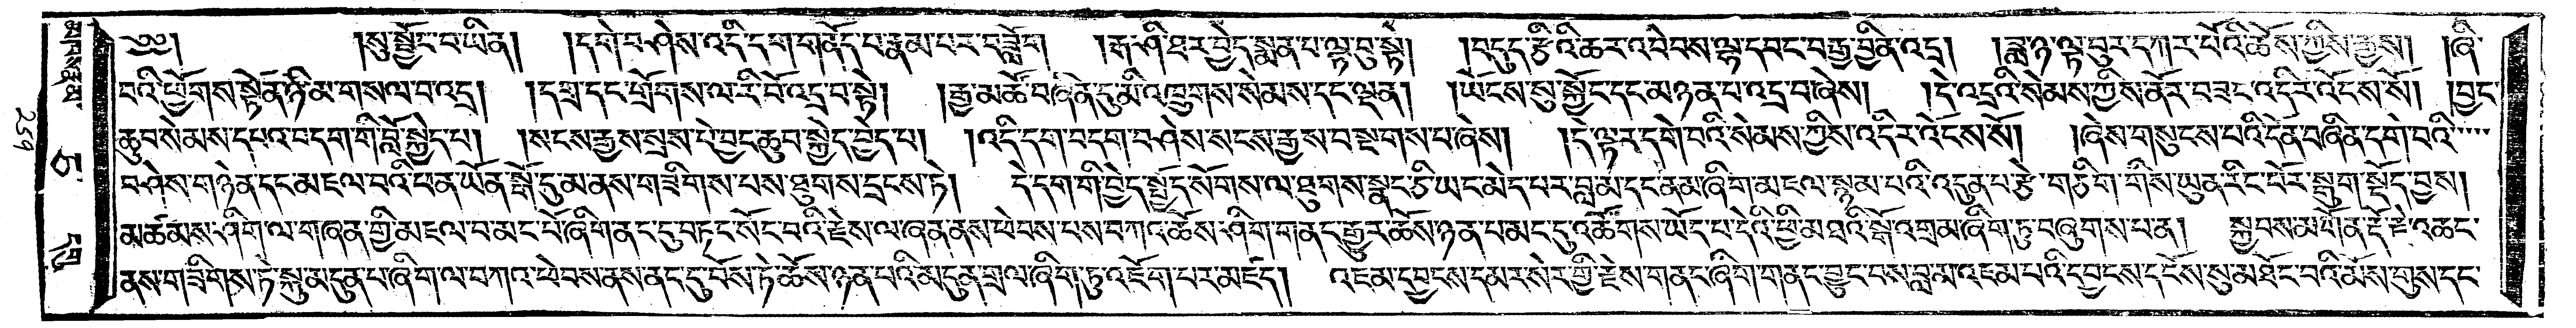༄༅། །སུ་སྦྱོང་བ་ཡིན། །དགེ་བཤེས་འདི་དག་གནོད་པ་རྣམ་པར་བཟློག །རྒ་ཤི་ཐར་བྱེད་སྨན་པ་ལྟ་བུ་སྟེ། །བདུད་རྩིའི་ཆར་འབེབས་ལྷ་དབང་བརྒྱ་བྱིན་འདྲ། །ཟླ་ཉ་ལྟ་བུར་དཀར་པོའི་ཆོས་ཀྱིས་རྒྱས། །ཞི་
བའི་ཕྱོགས་སྟོན་ཉི་མ་གསལ་བ་འདྲ། །དགྲ་དང་གྲོགས་ལ་རི་བོ་འདྲ་བ་སྟེ། །རྒྱ་མཚོ་བཞིན་དུ་མི་འཁྲུགས་སེམས་དང་ལྡན། །ཡོངས་སུ་སྐྱོང་དང་མཉན་པ་འདྲ་བ་ཞེས། །དེ་འདྲའི་སེམས་ཀྱིས་ནོར་བཟང་འདིར་འོངས་སོ། །བྱང་
ཆུབ་སེམས་དཔའ་བདག་གི་བློ་སྐྱེད་པ། །སངས་རྒྱས་སྲས་པོ་བྱང་ཆུབ་སྐྱེད་བྱེད་པ། །འདི་དག་བདག་བཤེས་སངས་རྒྱས་བསྔགས་པ་ཞེས། །དེ་ལྟར་དགེ་བའི་སེམས་ཀྱིས་འདིར་འོངས་སོ། །ཞེས་གསུངས་པའི་དོན་བཞིན་དགེ་བའི་
བཤེས་གཉེན་དང་མཇལ་བའི་ཕན་ཡོན་སྒོ་དུ་མ་ནས་གཟིགས་པས་ཐུགས་དྲངས་ཏེ། དེ་དག་གི་བྱེད་སྤྱོད་སོགས་ལ་ཐུགས་སྣང་ཅི་ཡང་མེད་པར་བླ་མ་དང་ནམ་ཞིག་མཇལ་སྙམ་པའི་འདུན་པ་རྩེ་གཅིག་གིས་ཡུན་རིང་པོར་སྒུག་སྡོད་བྱས།
མཚམས་ཤིག་ལ་གཞན་གྱི་མཇལ་བ་མང་པོ་ཞིག་ནང་དུ་བཏང་སོང་བའི་རྗེས་ལ་ཞན་ནས་ཕེབས་པས་བཀའ་ཆོས་ཤིག་གནང་རྒྱུར་ཆོས་ཉན་པ་མང་དུ་འཚོགས་ཡོད་པ་དེའི་ཕྱི་མཐའི་སྒོ་འགྲམ་ཞིག་ཏུ་བཞུགས་པ་ན། སྐྱབས་མགོན་རྡོ་རྗེ་འཆང་
ནས་གཟིགས་ཏེ་སྐུ་མདུན་པ་ཞིག་ལ་བཀའ་ཕེབས་ནས་ནང་དུ་བོས་ཏེ་ཆོས་ཉན་པའི་མདུན་གྲལ་ཞིག་ཏུ་འཇོག་པར་མཛད། འཇམ་དབྱངས་དམར་སེར་གྱི་རྗེས་གནང་ཞིག་གནང་བྱུང་བས་བླ་མ་འཇམ་པའི་དབྱངས་དངོས་སུ་མཐོང་བའི་མོས་གུས་དང་